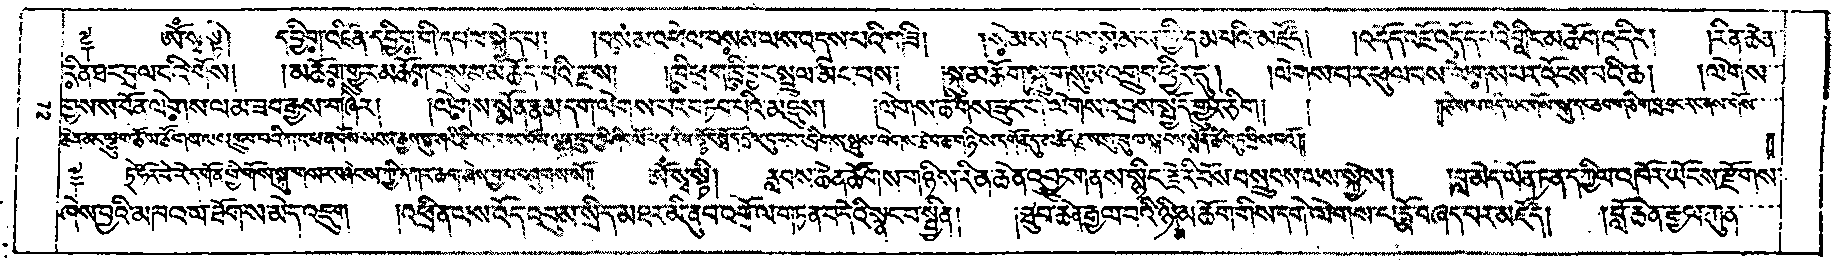༈ ཨོཾ་སྭ་སྟི། དབྱིག་འཛིན་དབྱིག་གི་དཔལ་སྐྱེད་པ། །བསམ་འཕེལ་བསམ་ལས་འདས་པའི་གཟི། །སེམས་དཔལ་སེམས་ཀྱི་དམ་པའི་མཛོད། །འདོད་འཇོ་འདོད་པའི་གླིང་མཆོག་འདིར། །རིན་ཆེན་
རིན་ཐང་བྲལ་བའི་གོས། །མཆོག་གྱུར་མཆོག་གསུམ་མཆོད་པའི་རྫས། །ཁྲི་ཕྲག་ཁྲི་བྱང་སྤྲུལ་མིང་པས། །སྐུ་མཆོག་སྐུ་གསུམ་འགྲུབ་ཕྱིར་དུ། །ལེགས་པར་ཕུལ་བས་ལེགས་པར་འོངས་པའི་ཆ། །ལེགས་
བྱས་ས་བོན་ལེགས་ལམ་ཟབ་རྒྱས་གཞིར། །ལེགས་སྨོན་རྣམ་དག་ལེགས་པར་བཏབ་པའི་མཐུས། །ལེགས་ཚོགས་ཟུང་གི་ལེགས་འབྲས་སྤྱོད་གྱུར་ཅིག ། །།ཅེས་པ་འདི་ཡང་གོས་སྐུ་དང་ཆབ་གཅིག་བླ་བྲང་རང་ནས་གོས་
ཆེན་མང་ལྷུག་ཚོས་ཚོགས་ལས་གྲུབ་པའི་ཀ་འཕན་གོས་སངས་རྒྱས་སྐུ་ཤའི་རྩི་བར་བཟང་གོས་ལྷན་དྲུབ་ཀྱི་ཤིང་ལོ་པ་ཊ་རིས་སྟོང་སྦོད་དྲིལ་བུ་རང་འགྲིགས་སྤུས་ལེགས་ཆེ་བ་ཆ་གཉིས་དགོན་དུ་མཆོད་རྫས་སུ་ཕུལ་སྐབས་སྨོན་ཚིག་ཏུ་བྲིས་པའོ།། །།
༈ ཏྲེ་ཧོར་བེ་རེ་དགོན་གྱི་གོས་སྐུ་གསར་བཞེངས་ཀྱི་དཀར་ཆག་ཞེས་བྱ་བ་བཞུགས་སོ།།  ཨོཾ་སྭ་སྟི། རླབས་ཆེན་ཚོགས་གཉིས་རིན་ཆེན་འབྱུང་གནས་སྙིང་རྗེ་རི་བོས་བསྲུབས་ལས་སྐྱེས། །བླ་མེད་ཡོན་ཏན་དཀྱིལ་འཁོར་ཡོངས་རྫོགས་
ཤེས་བྱའི་མཁའ་ལ་ཐོགས་མེད་འཇུག །འཕྲིན་ལས་འོད་འབུམ་སྲིད་མཐར་མི་ནུབ་འགྲོ་ལ་གཏན་བདེའི་སྣང་བ་སྦྱིན། །ཐུབ་ཆེན་རྒྱལ་བའི་ཉི་མ་མཆོག་གིས་དགེ་ལེགས་པདམོ་བཞད་པར་མཛོད། །བློ་ཆེན་རྒྱལ་ཀུན་